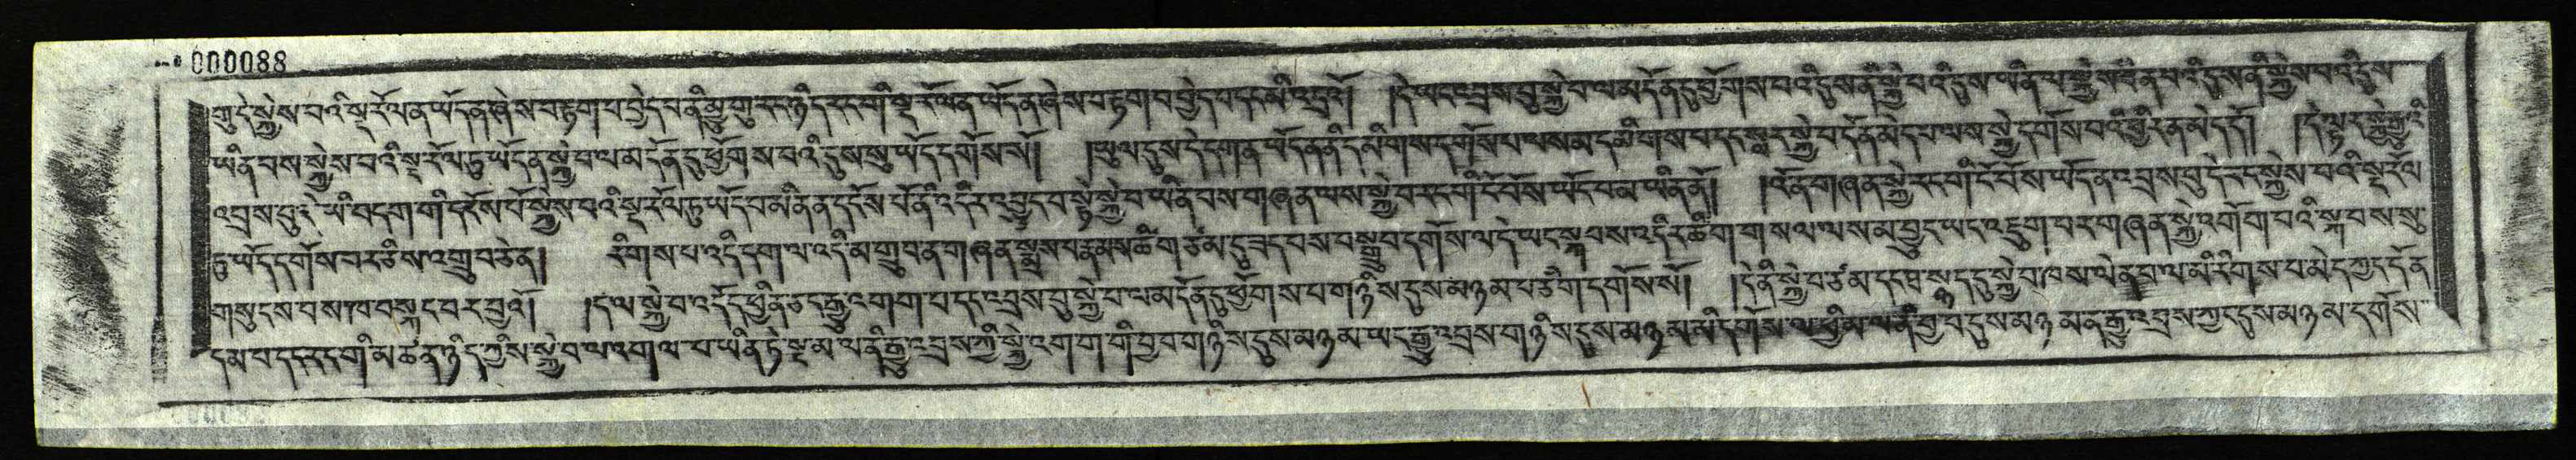གུ་དེ་སྐྱེས་པའི་སྔ་རོལ་ན་ཡོད་ན་ཞེས་བརྟག་པ་བྱེད་པ་ནི་མྱུ་གུ་རང་ཉིད་རང་གི་སྔ་རོལ་ན་ཡོད་ན་ཞེས་བརྟག་པ་བྱེད་པ་དང་མི་འདྲའོ། །དེ་ཡང་འབྲས་བུ་སྐྱེ་བ་ལ་མངོན་དུ་ཕྱོགས་པའི་དུས་ནི་སྐྱེ་བའི་དུས་ཡིན་ལ་སྐྱེས་ཟིན་པའི་དུས་ནི་སྐྱེ་བའི་དུས་
ཡིན་པས་སྐྱེས་པའི་སྔ་རོལ་ཏུ་ཡོད་ན་སྐྱེ་བ་ལ་མངོན་དུ་ཕྱོགས་པའི་དུས་སུ་ཡོད་དགོས་སོ། །ཡུལ་དུ་དེ་དག་ན་ཡོད་ན་ནི་དམིགས་ནི་དམིགས་དགོས་པ་ལས་མ་དམིགས་པ་དང་སླར་སྐྱེ་བ་དོན་མེད་པ་ལས་སྐྱེ་དགོས་པའི་ཕྱིར་ན་མེད་དོ། །དེ་ལྟར་སྐྱེ་རྒྱུའི་
འབྲས་བུ་དེ་ཡི་བདག་གི་དངོས་པོ་སྐྱེས་པའི་སྔ་རོལ་ཏུ་ཡོད་པ་མིན་ན་དངོས་པོ་ནི་འདིར་འབྱུང་བ་སྟེ་སྐྱེ་བ་ཡིན་པས་གཞན་ལས་སྐྱེ་བ་རང་གི་ངོ་བོས་ཡོད་པ་མ་ཡིན་ནོ། །འོ་ན་གཞན་སྐྱེ་རང་གི་ངོ་བོས་ཡོད་ན་འབྲས་བུ་དེ་རང་སྐྱེས་པའི་སྔ་རོལ་
ཏུ་ཡོད་དགོས་པར་ཅིས་འགྲུབ་ཅེ་ན། རིགས་པ་འདི་དག་ལ་འདི་མ་གྲུབ་ན་གཞན་སྨྲས་པ་རྣམས་ཚིག་ཙམ་དུ་ཟད་པས་བསྒྲུབ་དགོས་ལ་དེ་ཡང་སྐབས་འདིར་ཚིག་གསལ་ལས་མ་བྱུང་ཡང་འཇུག་པར་གཞན་སྐྱེ་འགོག་པའི་སྐབས་སུ་
གསུངས་པས་ཁ་བསྐང་བར་བྱའོ། །དེ་ལ་སྐྱེ་བ་འདོད་ཕྱིན་ཅང་རྒྱུ་འགག་པ་དང་འབྲས་བུ་སྐྱེ་པ་ལ་མངོན་དུ་ཕྱོགས་པ་གཉིས་དུས་མཉམ་པ་ཅིག་དགོས་སོ། །དེ་ནི་སྐྱེ་བ་ཙམ་དང་ཐ་སྙད་དུ་སྐྱེ་བ་ཁས་ལེན་པ་ལ་མི་རིགས་པ་མེད་ཀྱང་དོན་
དམ་པ་དང་རང་གི་མཚན་ཉིད་ཀྱིས་སྐྱེ་བ་འགལ་བ་ཡིན་ཏེ་སྔ་མ་ལ་ནི་རྒྱུ་འབྲས་ཀྱི་སྐྱེ་འགག་གི་བྱ་བ་གཉིས་དུས་མཉམ་ཡང་རྒྱུ་འབྲས་གཉིས་དུས་མཉམ་མི་དགོས་ལ་ཕྱི་མ་ལ་ནི་བྱ་བ་དུས་མཉམ་ན་རྒྱུ་འབྲས་ཀྱང་དུས་མཉམ་དགོས་